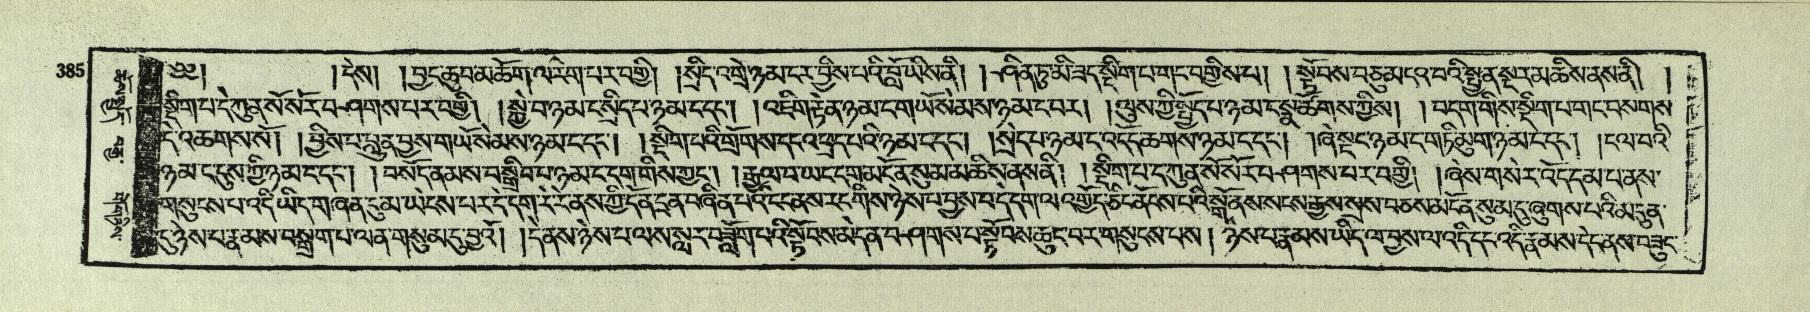༄༅། །དེས། །བྱང་ཆུབ་མཆོག་ལ་རིག་པར་བགྱི། །སྲིད་འགྲོ་ཉམ་ངར་བྱིས་པའི་བློ་ཡིས་ནི། །ཤིན་ཏུ་མི་ཟད་སྡིག་པ་གང་བགྱིས་པ། །སྟོབས་བཅུ་མངའ་བའི་སྤྱན་སྔར་མཆིས་ནས་ནི། །
སྡིག་པ་དེ་ཀུན་སོ་སོར་བཤགས་པར་བགྱི། །སྐྱེ་བ་ཉམ་ང་སྲིད་པ་ཉམ་ང་དང་། །འཇིག་རྟེན་ཉམ་ང་གཡོ་སེམས་ཉམ་ང་བར། །ལུས་ཀྱི་སྤྱོད་པ་ཉམ་ང་སྣ་ཚོགས་ཀྱིས། །བདག་གིས་སྡིག་པ་གང་བསགས་
དེ་འཆགས་སོ། །བྱིས་པ་བླུན་བྱས་གཡོ་སེམས་ཉམ་ང་དང་། །སྡིག་པའི་གྲོགས་དང་འཕྲད་པའི་ཉམ་ང་དང་། །སྲེད་པ་ཉམ་ང་འདོད་ཆགས་ཉམ་ང་དང་། །ཞེ་སྡང་ཉམ་ང་གཏི་མུག་ཉམ་ང་དང་། །ངལ་བའི་
ཉམ་ང་དུས་ཀྱི་ཉམ་ང་དང་། །བསོད་ནམས་བསྒྲིབ་པ་ཉམ་ང་དག་གིས་ཀྱང་། །རྒྱལ་བ་ཡང་དག་མངོན་སུམ་མཆིས་ནས་ནི། །སྡིག་པ་ད་ཀུན་སོ་སོར་བཤགས་པར་བགྱི། །ཞེས་གསེར་འོད་དམ་པ་ནས་
གསུངས་པ་འདི་ཡིད་གཞན་དུ་མ་ཡེངས་པར་དེ་དག་རེ་རེ་ནས་ཀྱི་དོན་དྲན་བཞིན་པའི་ངང་ནས་རང་གིས་ཉེས་པ་བྱས་པ་དེ་དག་ལ་འགྱོད་ཅིང་ནོངས་པའི་སྒོ་ནས་སངས་རྒྱས་སྲས་བཅས་མངོན་སུམ་དུ་ཞུགས་པའི་མདུན་
དུ་ཉེས་པ་རྣམས་བསྒྲག་པ་ལན་གསུམ་དུ་བྱའོ། །དེ་ནས་ཉེས་པ་ལས་སླར་བཟློག་པའི་སྟོབས་མེད་ན་བཤགས་པ་སྟོབས་ཆུང་བར་གསུངས་པས། ཉེས་པ་རྣམས་ཡིད་ལ་བྱས་ལ་འདི་དང་འདི་རྣམས་དེང་ནས་བཟུང་